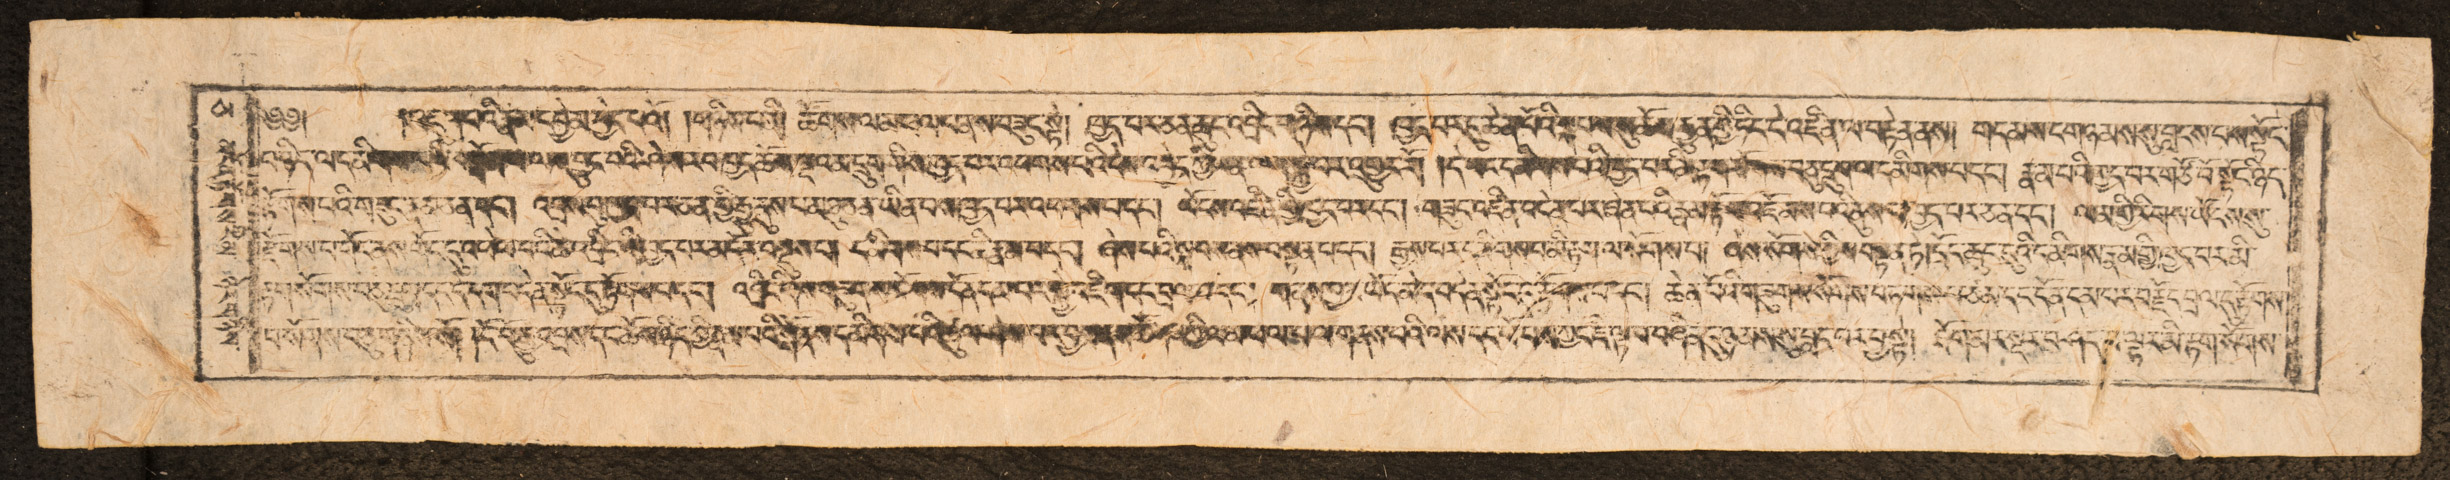༄༅། །འཇུག་པའི་རྣམ་དབྱེ་མ་ཕྱེད་པའོ། །གཉིས་པ་ནི། ཚོགས་ལམ་ཕལ་པ་ནས་བཟུང་སྟེ། ཁྱད་པར་ཅན་ཆུང་འབྲིང་གཉིས་དང་། ཁྱད་པར་དུ་ཆེན་པོའི་སྐབས་སུ་ཆོས་རྒྱུན་གྱི་ཏིང་ངེ་འཛིན་ལ་བརྟེན་ནས། གདམས་ངག་ཉམས་སུ་བླངས་པས་སྟོང་
པ་ཉིད་ལ་དམིགས་པའི་བསྒོམ་པ་ལས་བྱུང་བའི་ཤེས་རབ་ཁྱད་ཆོས་ལྔའམ་དྲུག་གིས་ཁྱད་པར་འཕགས་པའི་ངེས་འབྱེད་ཀྱི་ཡན་ལག་སྐྱེ་བར་འགྱུར་རོ། །དེ་ཡང་དམིགས་པའི་ཁྱད་པར་མི་རྟག་སོགས་བཅུ་དྲུག་ལ་དམིགས་པ་དང་། རྣམ་པའི་ཁྱད་པར་གཙོ་བོ་སྟོང་ཉིད་
རྟོགས་པའི་གཟུང་རྣམ་ཅན་དང་། འབྲས་བུ་ཁྱད་པར་ཅན་གྱི་རྒྱུ་ནུས་པ་མཐུ་ཅན་ཡིན་པས་ཁྱད་པར་འཕགས་པ་དང་། ཡོངས་འཛིན་གྱི་ཁྱད་པར་དང་། གཟུང་འཛིན་བདེན་པར་ཞེན་པའི་རྣམ་རྟོག་འཇོམས་པའི་ནུས་པ་ཁྱད་པར་ཅན་དང་། ལམ་གྱི་རིགས་ཡོངས་སུ་
རྫོགས་པ་གོང་ནས་གོང་དུ་འཕེལ་བའི་ཆེ་འབྲིང་གི་ཁྱད་པར་མདོར་བསྡུས་པ། དམིགས་པ་དང་ནི་རྣམ་པ་དང་། ཞེས་པའི་སྐབས་ནས་བསྟན་པ་དང་། རྒྱས་པར་དམིགས་པ་མི་རྟག་ལ་སོགས་པ། ཞེས་སོགས་ཀྱིས་བསྟན་ཏེ། དྲོད་ཆུང་ངུའི་དམིགས་རྣམ་གྱི་ཁྱད་པར་མི་
རྟག་སོགས་བཅུ་དྲུག་དང་དེ་དག་བདེན་སྟོང་དུ་རྟོགས་པ་དང་། འབྲིང་གིས་གཟུགས་སོགས་དོན་དམ་པར་སྐྱེ་འཇིག་དང་བྲལ་བ་དང་། གནས་བྱར་ཡོད་མེད་བདེན་སྟོང་དུ་རྟོགས་པ་དང་། ཆེན་པོའི་གཟུགས་སོགས་བཏགས་པ་ཙམ་དང་དོན་དམ་པར་བརྗོད་བྲལ་དུ་རྟོགས་
པ་སོགས་བཅུ་གཉིས་སོ། །ངོ་བོ་རྒྱུ་འབྲས་དང་ཆོས་ཉིད་ཀྱི་རྣམ་པའི་སྒོ་ནས་དམིགས་པའི་ཚུལ་ཤེས་པར་བྱས་ནས་ཚོགས་ཀྱི་ལམ་ཕལ་པ་ལ་གནས་པའི་ལས་དང་པོ་བས་ཀྱང་ཇི་ལྟ་བ་བཞིན་དུ་ཉམས་སུ་བླང་བར་བྱ་སྟེ། ཐོག་མར་སྔར་བཤད་པ་ལྟར་མི་རྟག་སོགས་